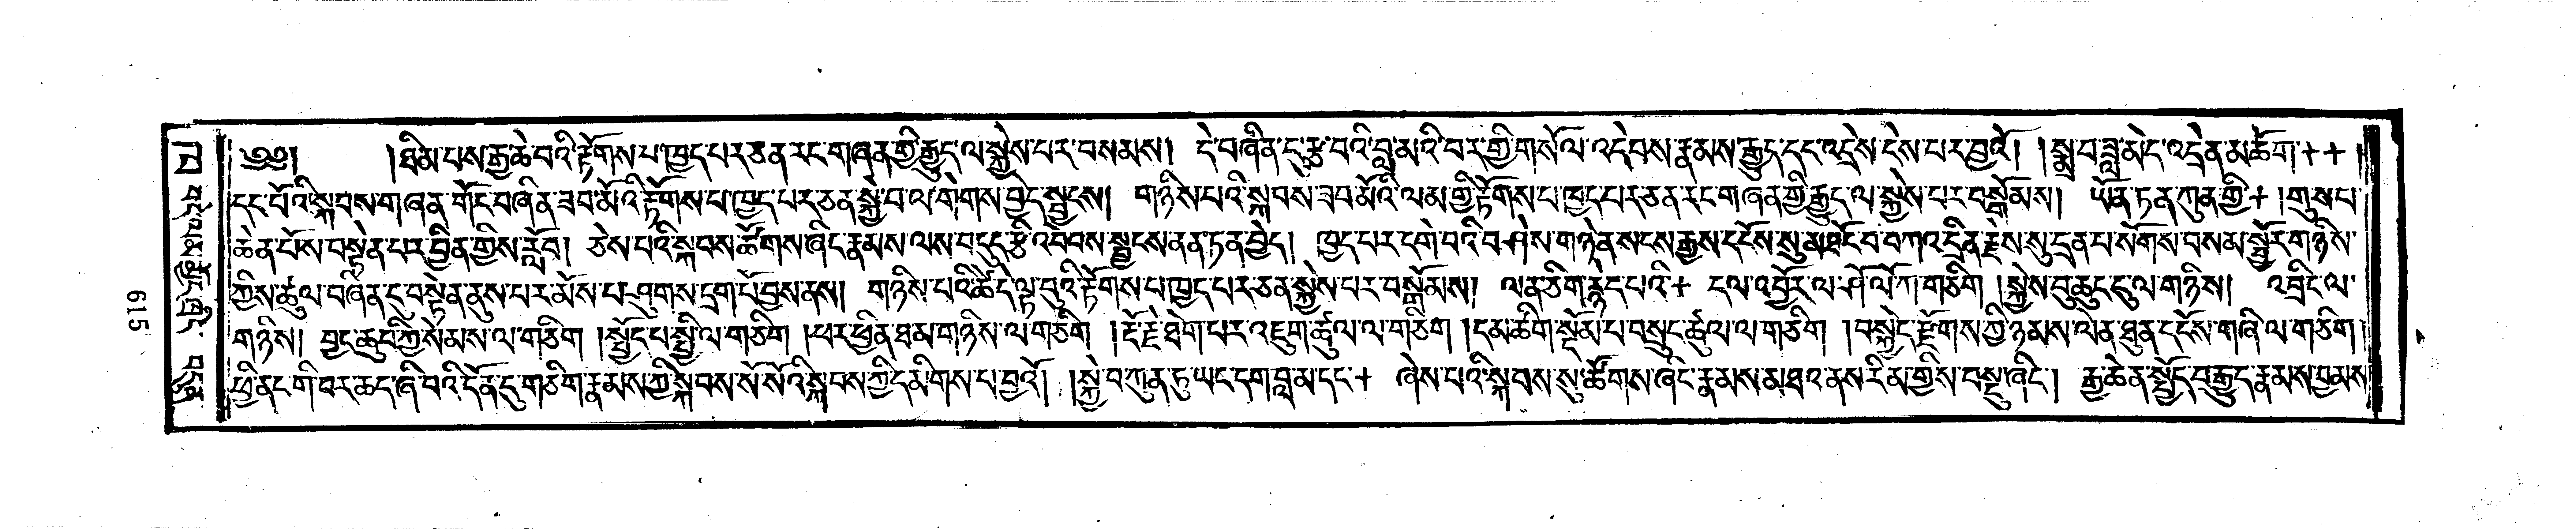༄༅། །ཐིམ་པས་རྒྱ་ཆེ་བའི་རྟོགས་པ་ཁྱད་པར་ཅན་རང་གཞན་གྱི་རྒྱུད་ལ་སྐྱེས་པར་བསམས། དེ་བཞིན་དུ་རྩ་བའི་བླ་མའི་བར་གྱི་གསོལ་འདེབས་རྣམས་རྒྱུད་དང་འདྲེས་ངེས་པར་བྱའོ། །སྨྲ་བ་ཟླ་མེད་འདྲེན་མཆོག་++།
དང་པོའི་སྐབས་གཞན་གོང་བཞིན་ཟབ་མོའི་རྟོགས་པ་ཁྱད་པར་ཅན་སྐྱེ་བ་ལ་གེགས་བྱེད་སྦྱངས། གཉིས་པའི་སྐབས་ཟབ་མོའི་ལམ་གྱི་རྟོགས་པ་ཁྱད་པར་ཅན་རང་གཞན་གྱི་རྒྱུད་ལ་སྐྱེས་པར་བསྒོམས། ཡོན་ཏན་ཀུན་གྱི་+། གུས་པ་
ཆེན་པོས་བསྟེན་པར་བྱིན་གྱིས་རློབ། ཅེས་པའི་སྐབས་ཚོགས་ཞིང་རྣམས་ལས་བདུད་རྩི་འབེབས་སྦྱངས་ནན་ཏན་བྱེད། ཁྱད་པར་དགེ་བའི་བཤེས་གཉེན་སངས་རྒྱས་དངོས་སུ་མཐོང་བ་བཀའ་དྲིན་རྗེས་སུ་དྲན་པ་སོགས་བསམ་སྦྱོར་གཉིས་
ཀྱིས་ཚུལ་བཞིན་དུ་བསྟེན་ནུས་པར་མོས་པ་ཤུགས་དྲག་པོ་བྱས་ནས། གཉིས་པའི་ཚེ་དེ་ལྟ་བུའི་རྟོགས་པ་ཁྱད་པར་ཅན་སྐྱེས་པར་བསྒོམས། ལན་ཅིག་རྙེད་པའི་+་དལ་འབྱོར་ལ་ཤོ་ལོ་ཀ་གཅིག །སྐྱེས་བུ་ཆུང་ངུ་ལ་གཉིས། འབྲིང་ལ་
གཉིས། བྱང་ཆུབ་ཀྱི་སེམས་ལ་གཅིག །སྦྱོད་པ་སྤྱི་ལ་གཅིག །ཕར་ཕྱིན་ཐ་མ་གཉིས་ལ་གཅིག །རྡོ་རྗེ་ཐེག་པར་འཇུག་ཚུལ་ལ་གཅིག །དམ་ཚིག་སྡོམ་པ་བསྲུང་ཚུལ་ལ་གཅིག །བསྐྱེད་རྫོགས་ཀྱི་ཉམས་ལེན་ཐུན་དངོས་གཞི་ལ་གཅིག་
ཕྱི་ནང་གི་བར་ཆད་ཞི་བའི་དོན་དུ་གཅིག་རྣམས་ཀྱི་སྐབས་སོ་སོའི་སྐབས་ཀྱི་དམིགས་པ་བྱའོ། །སྐྱེ་བ་ཀུན་ཏུ་ཡང་དག་བླ་མ་དང་+་ཞེས་པའི་སྐབས་སུ་ཚོགས་ཞིང་རྣམས་མཐའ་ནས་རིམ་གྱིས་བསྡུ་ཞིང་། རྒྱ་ཆེན་སྦྱོད་བ་རྒྱུད་རྣམས་བྱམས་